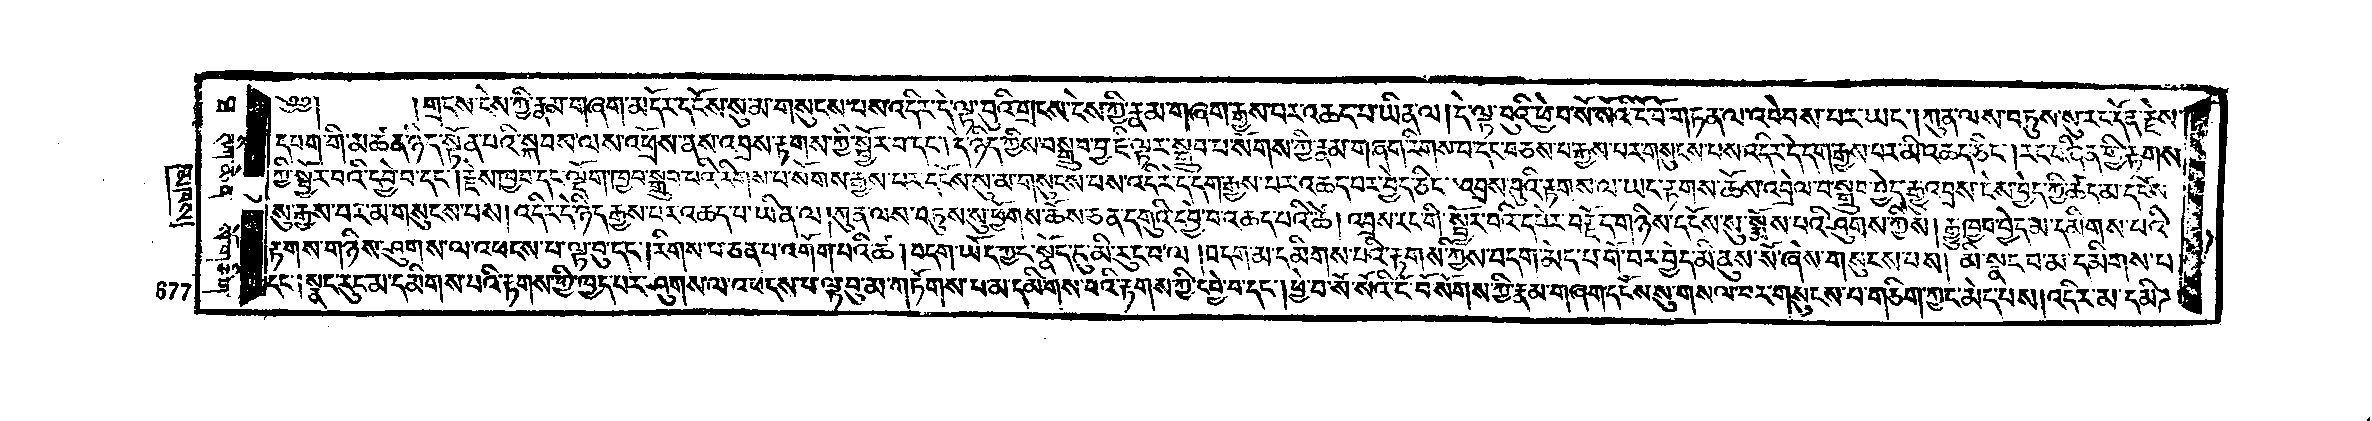༄༅། །གྲངས་ངེས་ཀྱི་རྣམ་གཞག་མདོར་དངོས་སུ་མ་གསུངས་པས་འདིར་དེ་ལྟ་བུའི་གྲངས་ངེས་ཀྱི་རྣམ་གཞག་རྒྱས་པར་འཆད་པ་ཡིན་ལ། དེ་ལྟ་བུའི་ཕྱེ་བ་སོ་སོའི་ངོ་བོ་གཏན་ལ་འབེབས་པར་ཡང་། ཀུན་ལས་བཏུས་སུ་རང་དོན་རྗེས་
དཔག་གི་མཚན་ཉིད་སྟོན་པའི་སྐབས་ལས་འཕྲོས་ནས་འབྲས་རྟགས་ཀྱི་སྦྱོར་བ་དང་། དེ་ཉིད་ཀྱིས་བསྒྲུབ་བྱ་ཇི་ལྟར་སྒྲུབ་པ་སོགས་ཀྱི་རྣམས་གཞག་རིགས་པ་དང་བཅས་པ་རྒྱས་པར་གསུངས་པས་འདིར་དེ་དག་རྒྱས་པར་མི་འཆད་ཅིང་། རང་བཞིན་གྱི་རྟགས་
ཀྱི་སྦྱོར་བའི་དབྱེ་བ་དང་། རྗེས་ཁྱབ་དང་ལྡོག་ཁྱབ་བསྒྲུབ་པའི་རིགས་པ་སོགས་རྒྱས་པར་དངོས་སུ་མ་གསུངས་པས་འདིར་དེ་དག་རྒྱས་པར་འཆད་པར་བྱེད་ཅིང་འབྲས་བུའི་རྟགས་ལ་ཡང་རྟགས་ཆོས་འབྲེལ་བ་སྒྲུབ་བྱེད་རྒྱུ་འབྲས་ངེས་བྱེད་ཀྱི་ཚད་མ་དངོས་
སུ་རྒྱས་བར་མ་གསུངས་པས། འདིར་དེ་ཉིད་རྒྱས་པར་འཆད་པ་ཡིན་ལ། ཀུན་ལས་བཏུས་སུ་ཕྱོགས་ཆོས་ཅན་དགུའི་དབྱེ་བ་འཆད་པའི་ཚེ། འབྲས་རང་གི་སྦྱོར་བའི་དཔེར་བརྗོད་གཉིས་དངོས་སུ་སྨོས་པའི་ཤུགས་ཀྱིས། རྒྱུ་ཁྱབ་བྱེད་མ་དམིགས་པའི་
རྟགས་གཉིས་ཤུགས་ལ་འཕངས་པ་ལྟ་བུ་དང་། རིགས་པ་ཅན་པ་འགོག་པའི་ཚ། བདག་ཡོད་ཀྱང་སྣོད་དུ་མི་རུང་བ་ལ། བདག་མ་དམིགས་པའི་རྟགས་ཀྱིས་བདག་མེད་པ་གོ་བར་བྱེད་མི་ནུས་སོ་ཞེས་གསུངས་པས། མི་སྣང་བ་མ་དམིགས་པ་
དང་། སྣང་རུང་མ་དམིགས་པའི་རྟགས་གྱི་ཁྱད་པར་ཤུགས་ལ་འཕངས་པ་ལྟ་བུ་མ་གཏོགས་པ་མ་དམིགས་པའི་རྟགས་ཀྱི་དབྱེ་བ་དང་། ཕྱེ་བ་སོ་སོའི་གནོ་བོ་སོགས་ཀྱི་རྣམ་གཞག་དངོས་སུ་གསལ་བར་གསུངས་པ་གཅིག་ཀྱང་མེད་པས། འདིར་མ་དམིགས་